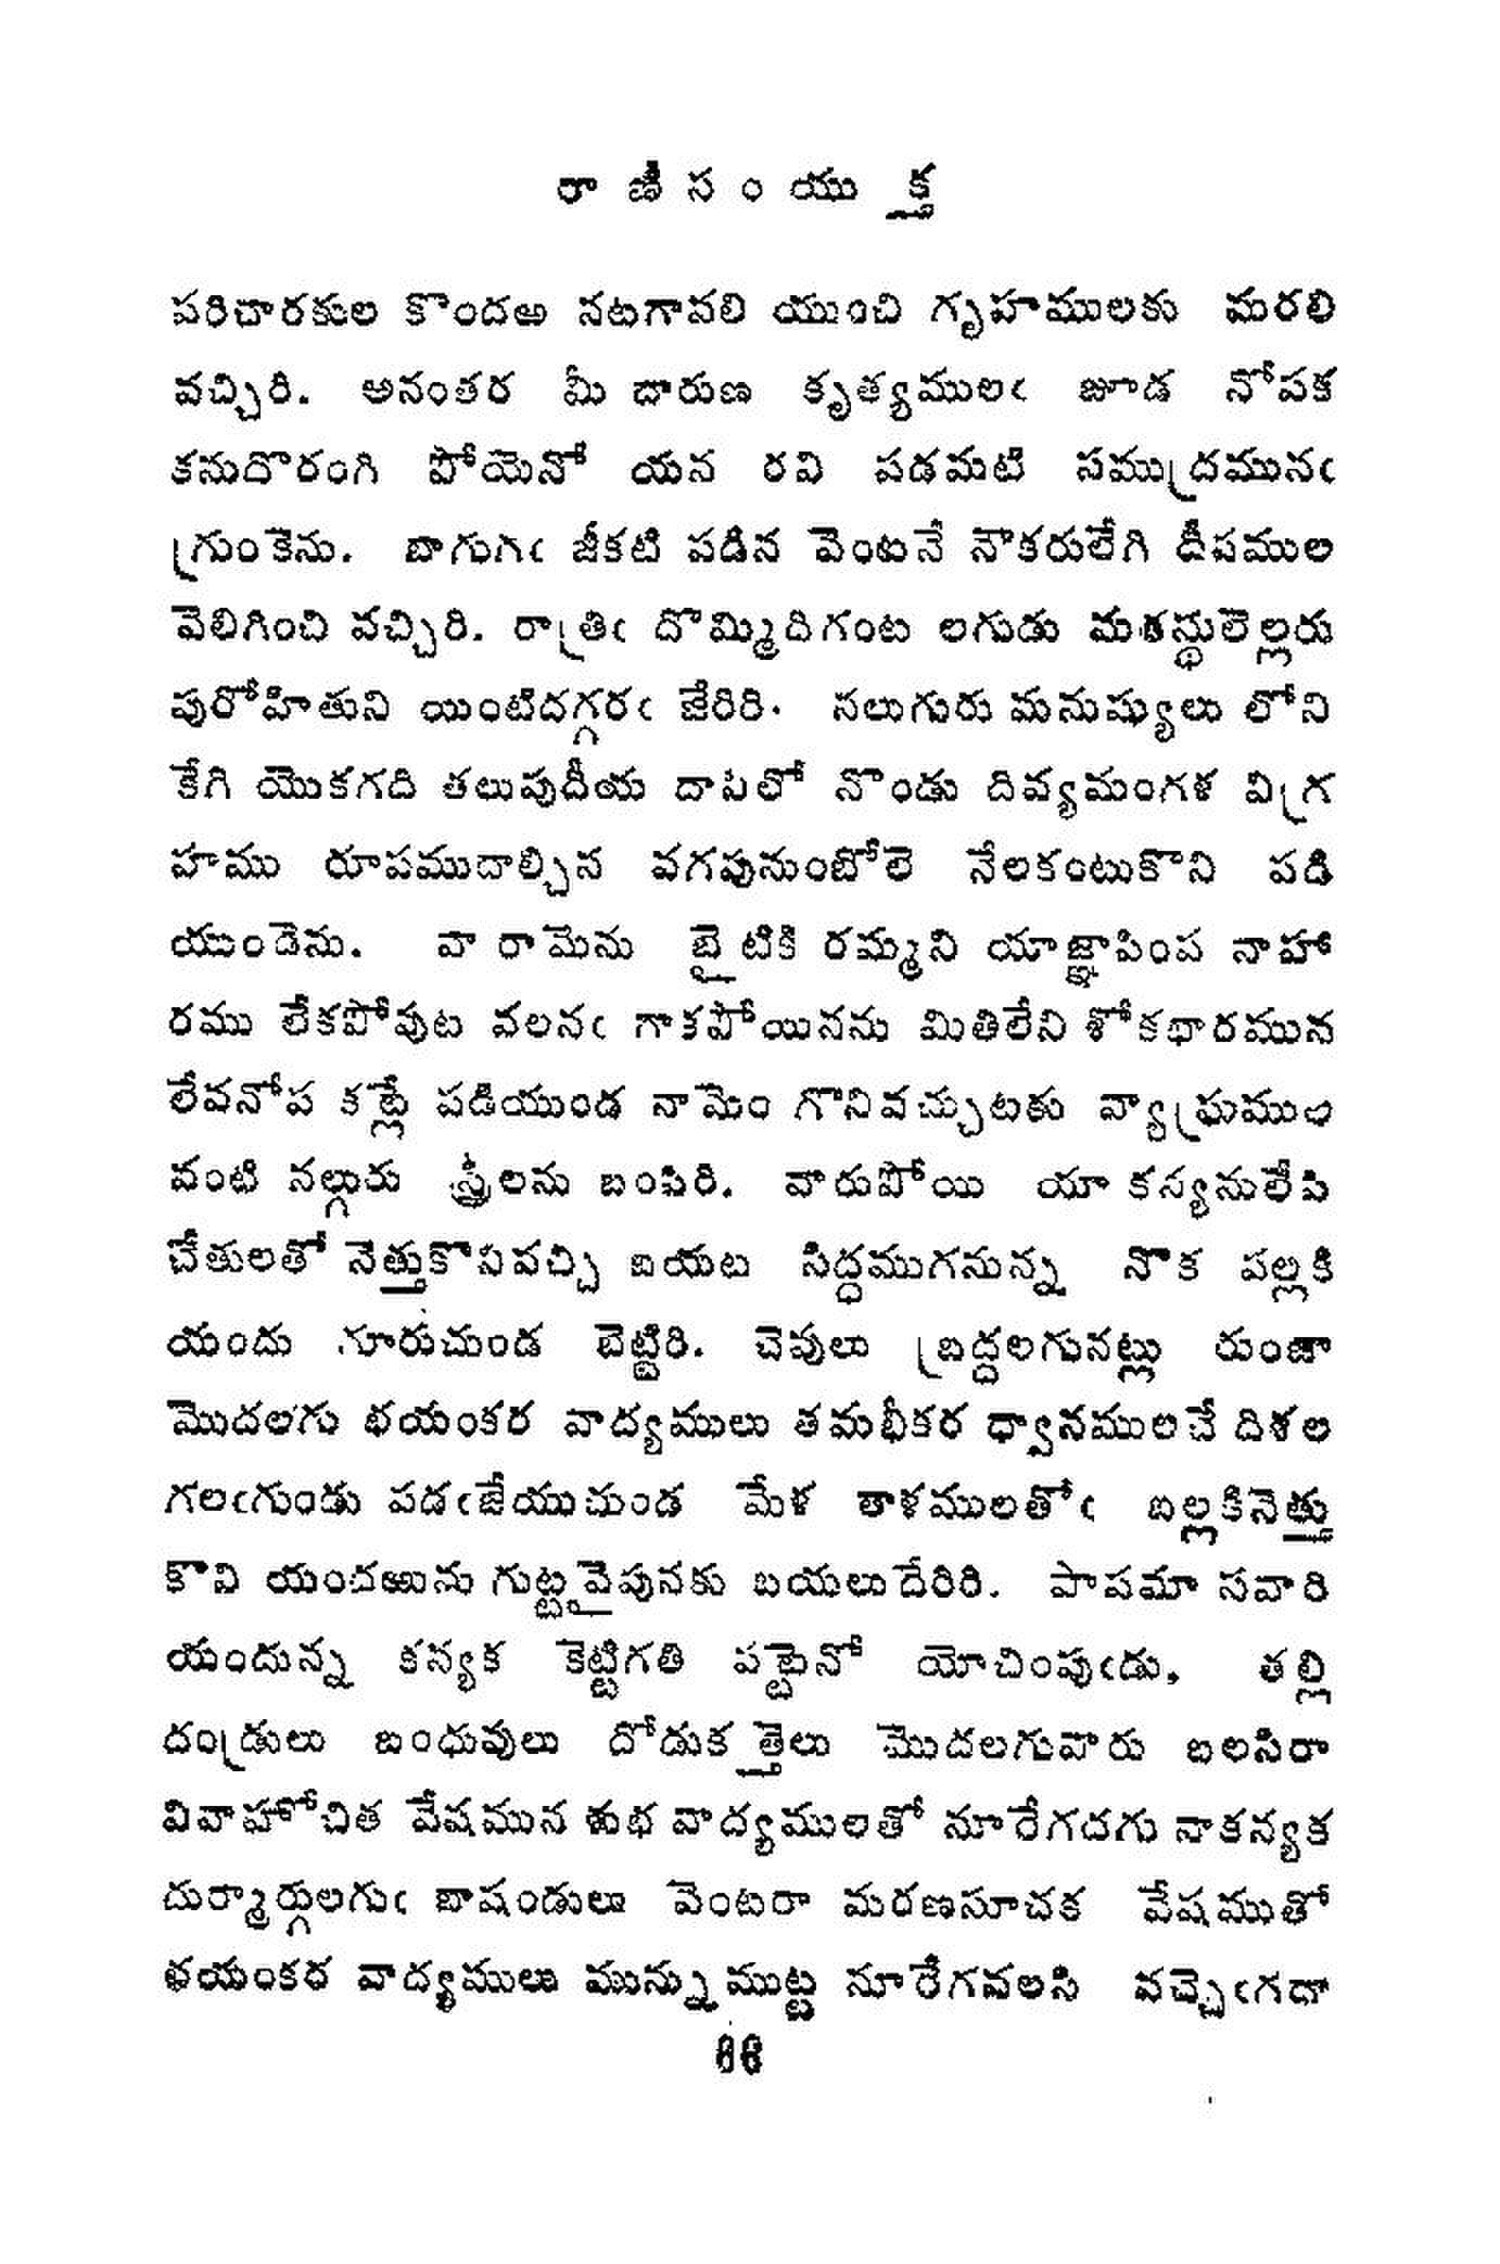పరిచారకుల కొందఱ నటగావలి యుంచి గృహములకు మరలి వచ్చిరి. అనంతర మీ దారుణ కృత్యములఁ జూడ నోపక కనుదొరంగి పోయెనో యన రవి పడమటి సముద్రమునఁ గ్రుంకెను. బాగుగఁ జీకటి పడిన వెంటనే నౌకరులేగి దీపముల వెలిగించి వచ్చిరి. రాత్రిఁ దొమ్మిద గంట లగుడు మతస్థులెల్లరు పురోహితుని యింటిదగ్గరఁ జేరిరి. నలుగురు మనుష్యులు లోని కేగి యొకగది తలుపుదీయ దానిలో నొండు దివ్యమంగళ విగ్రహము రూపముదాల్చిన వగపునుంబోలె నేలకంటుకొని పడి యుండెను. వా రామెను బైటికి రమ్మని యాజ్ఞాపింప నాహారము లేకపోవుట వలనఁ గాకపోయినను మితిలేని శోకభారమున లేవనోప కట్లే పడియుండ నామెం గొనివచ్చుటకు వ్యాఘ్రముల వంటి నల్గురు స్త్రీలను బంపిరి. వారుపోయి యా కన్యనులేపి చేతులతో నెత్తుకొనివచ్చి బయట సిద్ధముగనున్న నొక పల్లకి యందు కూరుచుండ బెట్టిరి. చెవులు బ్రద్దలగునట్లు రుంజా మొదలగు భయంకర వాద్యములు తమభీకర ధ్వానములచే దిశల గలఁగుండు పడఁజేయుచుండ మేళ తాళములతోఁ బల్లకినెత్తుకొని యందఱును గుట్టవైపునకు బయలుదేరిరి. పాపమా సవారియందున్న కన్యక కెట్టిగతి పట్టెనో యోచింపుఁడు. తల్లి దండ్రులు బంధువులు దోడుకత్తెలు మొదలగువారు బలసిరా వివాహోచిత వేషమున శుభ వాద్యములతో నూరేగదగు నాకన్యక దుర్మార్గులగుఁ బాషండులు వెంటరా మరణసూచక వేషముతో భయంకర వాద్యములు మున్ను ముట్ట నూరేగవలసి వచ్చెఁగదా